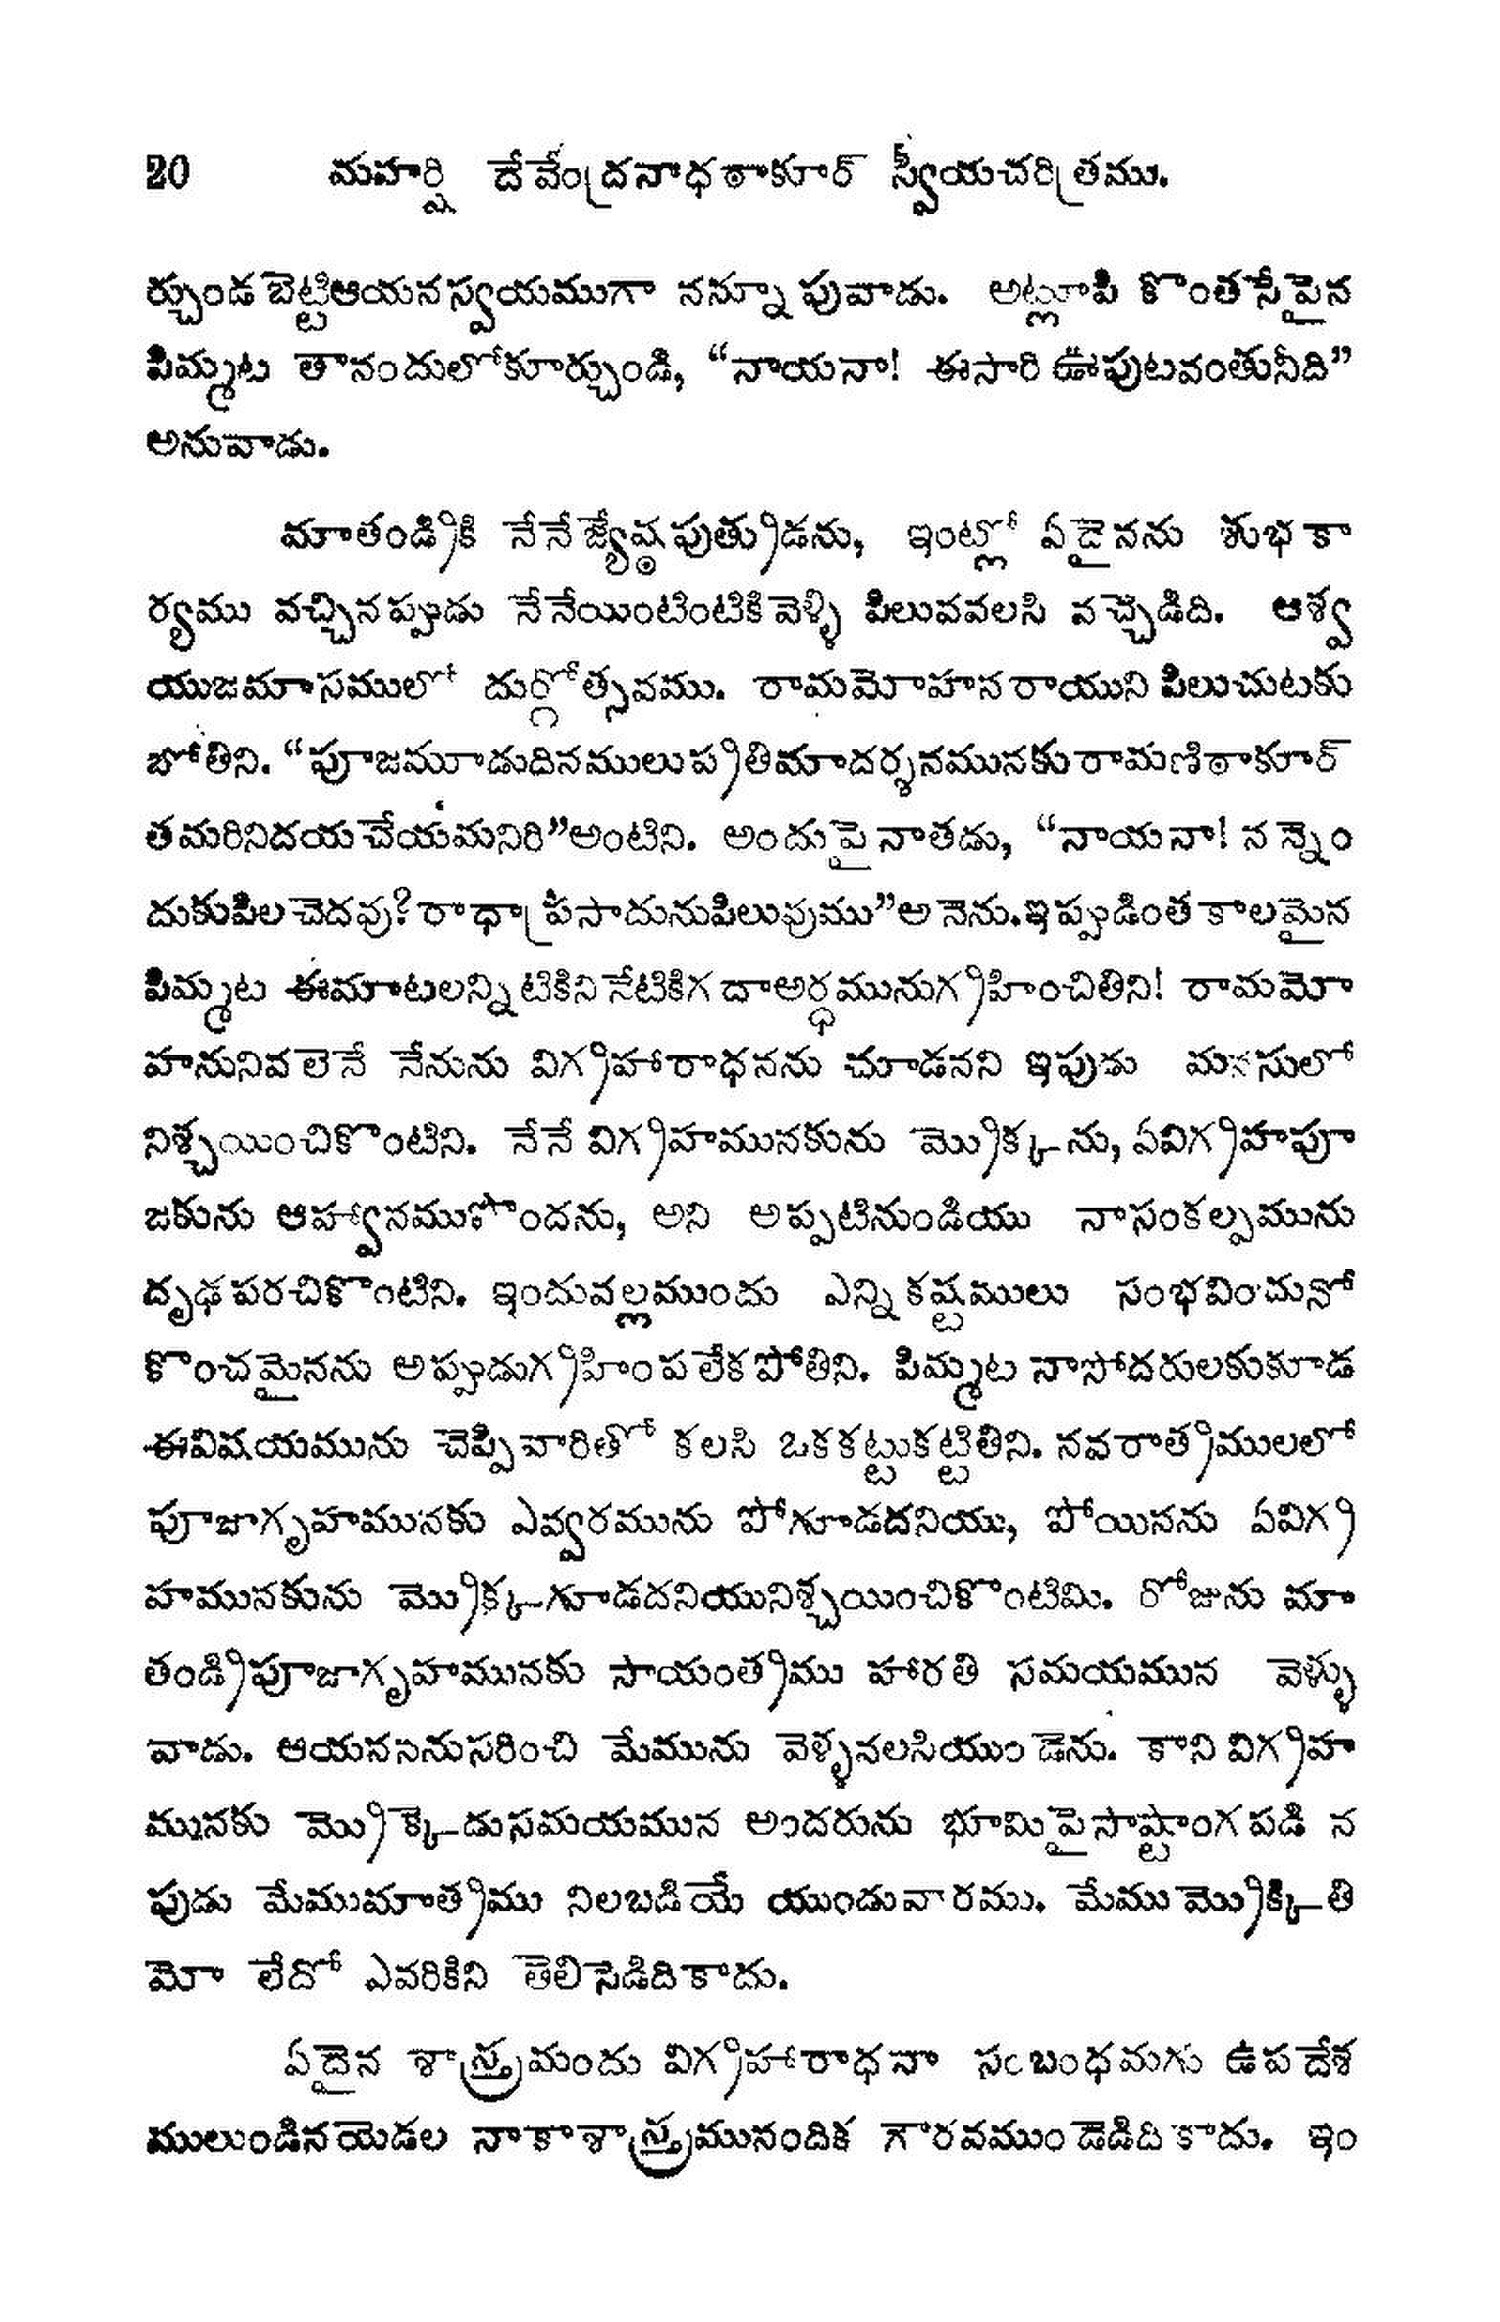ర్చుండ బెట్టి ఆయన స్వయముగా నన్నూపువాడు. అట్లూపి కొంత సేపైన పిమ్మట తానందులో కూర్చుండి, “నాయనా! ఈసారి ఊపుటవంతునీది” అనువాడు.

మాతండ్రికి నేనే జ్యేష్ఠ పుత్రుడను, ఇంట్లో ఏడైనను శుభకార్యము వచ్చినప్పుడు "నే నేయింటింటికి వెళ్ళి పిలువవలసి వచ్చడిది. ఆశ్వయుజమాసములో దురోత్సవము. రామమోహన రాయుని పిలుచుటకు బోతిని. “పూజమూడుదినములు ప్రతి మాదర్శనమునకు రామణిఠాకూర్ తమరిని దయచేయమనిరి” అంటిని. అందుపై నాతడు, “నాయనా! నన్నెందుకుపిల చెదవు? రాధాప్రసాదును పిలువుము” అనెను. ఇప్పుడింత కాలమైన పిమ్మట ఈమాటలన్నీటికిని నేటికి గదా అర్తమును గ్ర హించితిని! రామమోహనునివలెనే నేనును విగ్రహారాధనను చూడనని ఇపుడు మనసులో నిశ్చయించికొంటిని. నేనే విగ్రహమునకును 'మొక్కను, సవిగ్రహపూ జకును ఆహ్వానము పొందను, అని అప్పటి నుండియు నాసంకల్పమును దృఢ పరచికొంటిని. ఇందువల్ల ముందు ఎన్ని కష్టములు సంభవించునో కొంచమైనను అప్పుడు గ్రహింప లేకపోతిని, పిమ్మట నాసోదరులకు కూడ ఈవిషయమును చెప్పి వారితో కలసి ఒక కట్టుకట్టితిని. నవరాత్రములలో పూజూగృహమునకు ఎవ్వరమును పోగూడ దనియు, పోయినను ఏవిగ్రహమునకును మొక్క గూడదని యునిశ్చయించి కొంటిమి. రోజును మా తండ్రి పూజాగృహమునకు సాయంత్రము హారతి సమయమున వెళ్ళు వాడు. ఆయన ననుసరించి మేమును వెళ్ళవలసి యుండెను. కాని విగ్రహ మునకు మొక్కడు సమయమున అందరును భూమిపై సాష్టాంగ పడి నపుడు మేముమాత్రము నిలబడియే యుండువారము. మేము మొక్కితి మో లేదో ఎవరికిని తెలిసెడిది కాదు.

ఏదైన శాస్త్రమందు విగ్రహారాధనా సంబంధమగు ఉపదేశములుండిన యెడల నాకాశాస్త్రమునందిక గౌరవముం డెడిది కాదు. ఇం